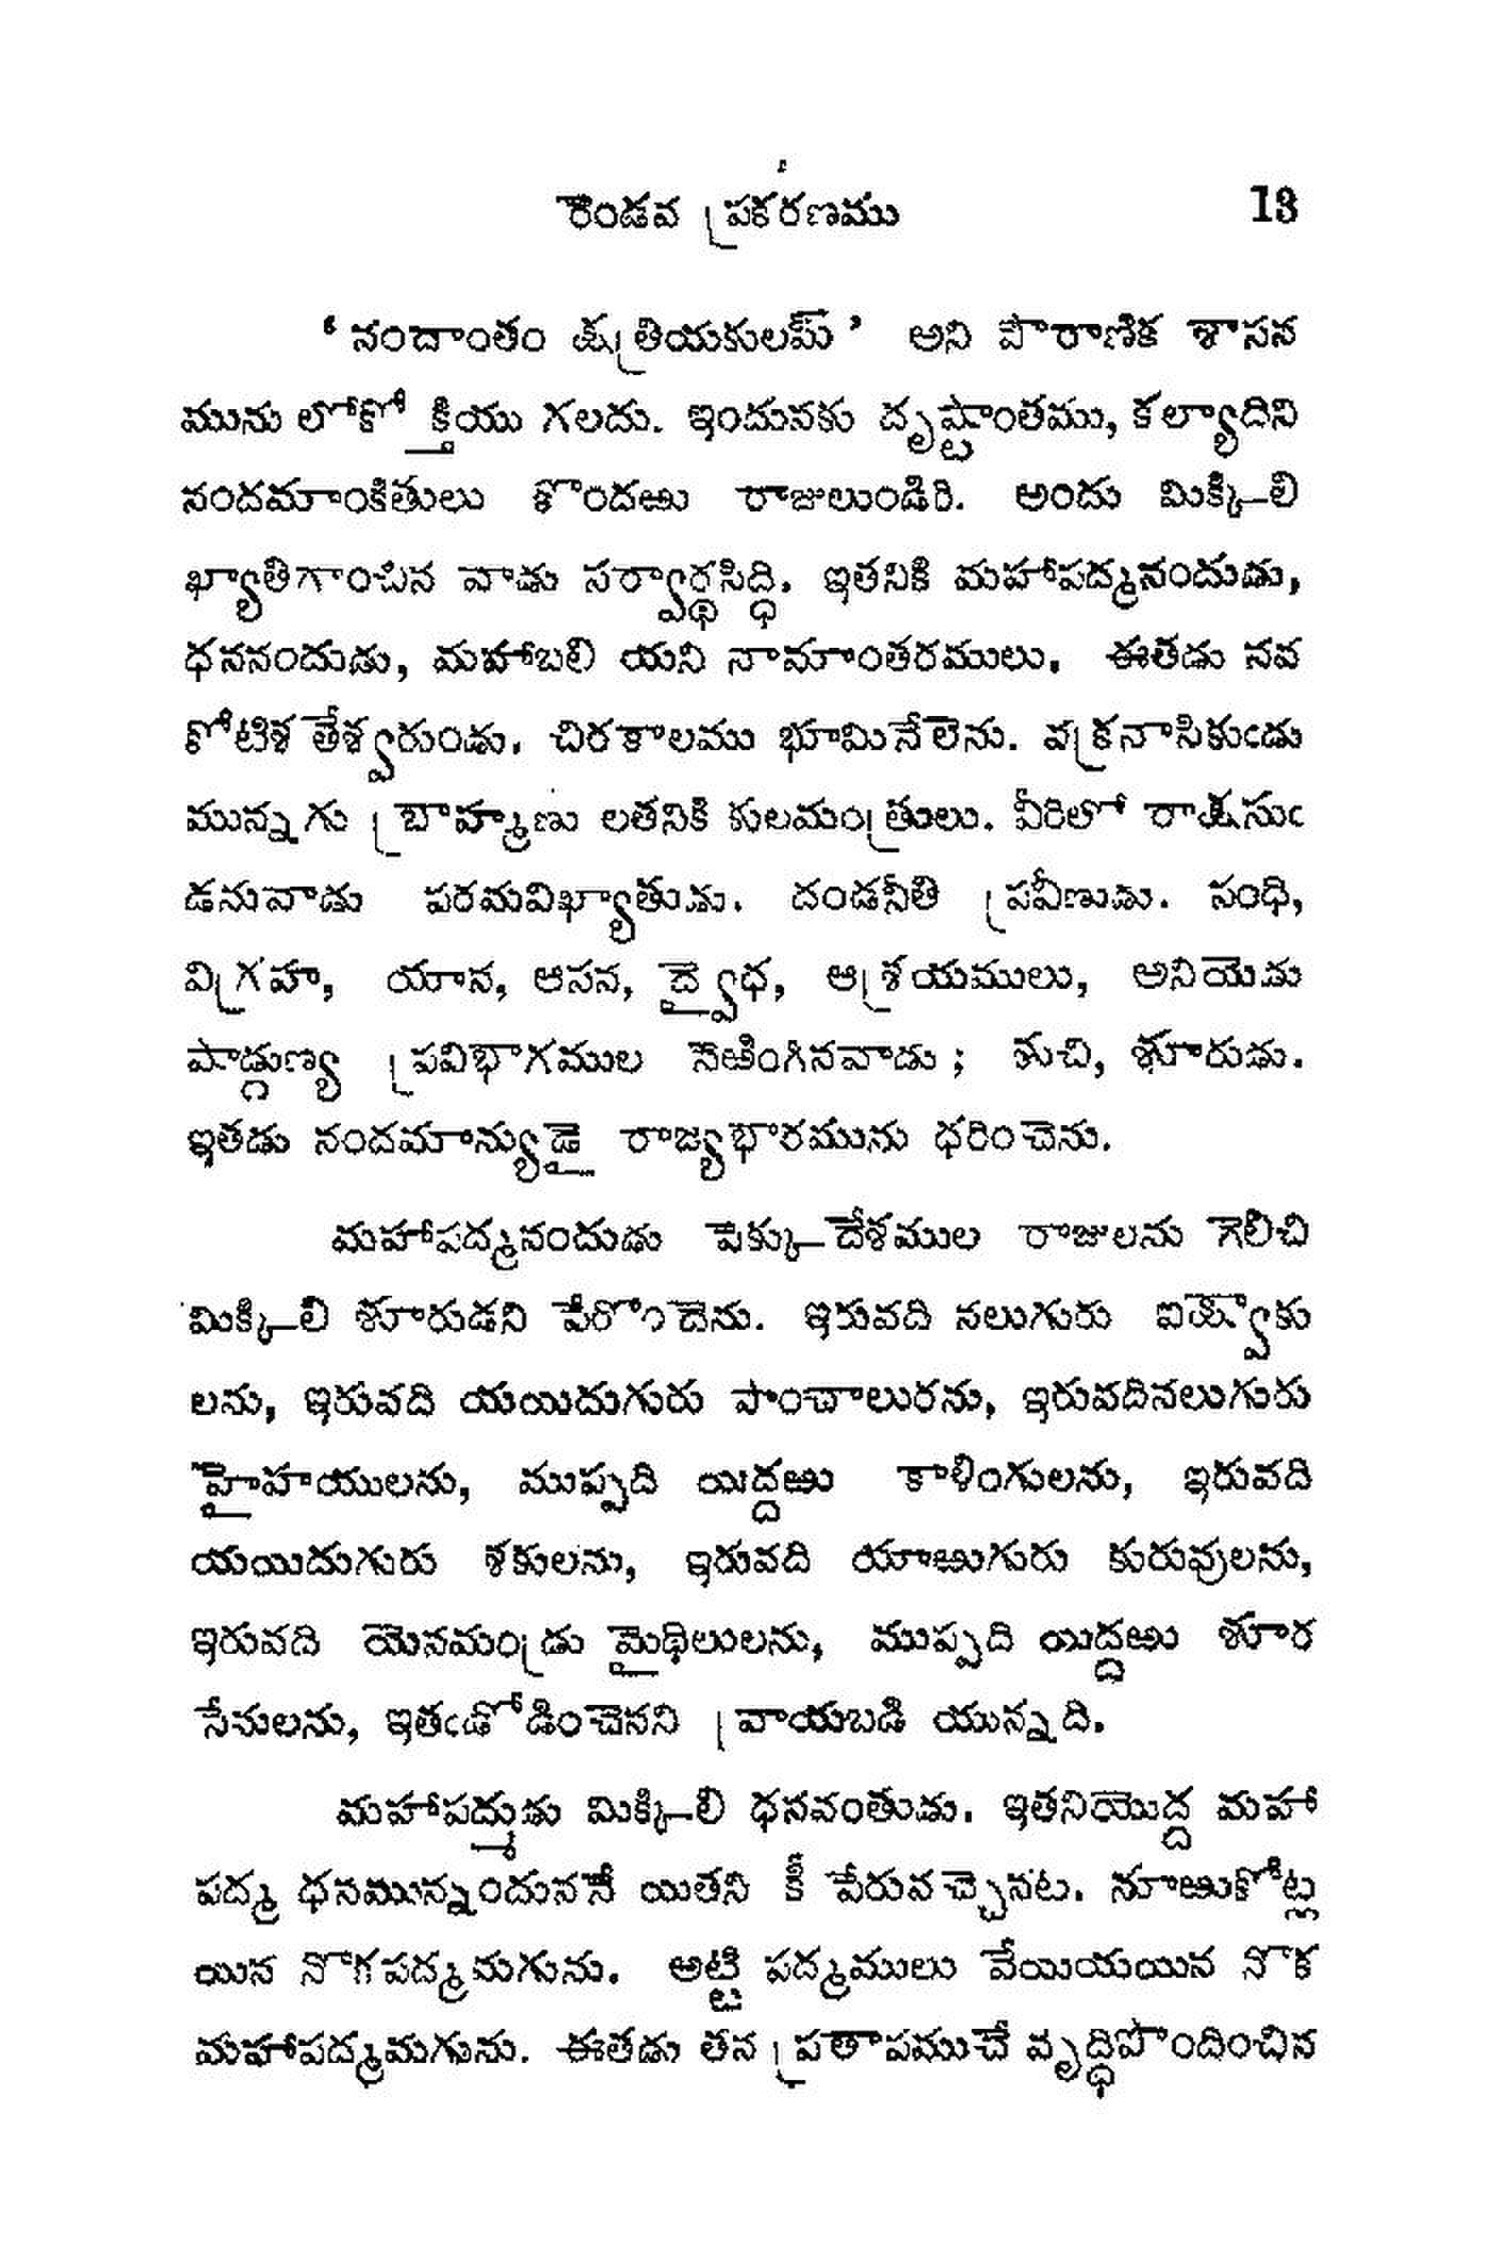'నందాంతం క్షత్రియకులమ్' అని పౌరాణిక శాసనమును లోకోక్తియు గలదు. ఇందునకు దృష్టాంతము, కల్యాదిని నందమాంకితులు కొందఱు రాజులుండిరి. అందు మిక్కిలి ఖ్యాతిగాంచిన వాడు సర్వార్థసిద్ధి. ఇతనికి మహాపద్మనందుడు, ధననందుడు, మహాబలి యని నామాంతరములు. ఈతడు నవకోటిశతేశ్వరుండు. చిరకాలము భూమినేలెను. వక్రనాసికుఁడు మున్నగు బ్రాహ్మణు లతనికి కులమంత్రులు. వీరిలో రాక్షసుఁడనువాడు పరమవిఖ్యాతుడు. దండనీతి ప్రవీణుడు. నంధి, విగ్రహ, యాన, ఆసన, ద్వైధ, ఆశ్రయములు, అనియెడు షాడ్గుణ్య ప్రవిభాగముల నెఱింగినవాడు; శుచి, శూరుడు. ఇతడు నందమాన్యుడై రాజ్యభారమును ధరించెను.

మహాపద్మనందుడు పెక్కు దేశముల రాజులను గెలిచి మిక్కిలి శూరుడని పేరొందెను. ఇరువది నలుగురు ఐక్ష్వాకులను, ఇరువది యయిదుగురు పాంచాలురను, ఇరువదినలుగురు హైహయులను, ముప్పది యిద్దఱు కాళింగులను, ఇరువది. యయిదుగురు శకులను, ఇరువది యాఱుగురు కురువులను, ఇరువది యెనమండ్రు మైథిలులను, ముప్పది యిద్దఱు శూరసేనులను, ఇతఁడోడించెనని వ్రాయబడి యున్నది.

మహాపద్ముడు మిక్కిలి ధనవంతుడు. ఇతనియొద్ద మహాపద్మ ధనమున్నందుననే యితని కీ పేరువచ్చెనట. నూఱుకోట్లయిన నొకపద్మమగును. అట్టి పద్మములు వేయియయిన నొక మహాపద్మమగును. ఈతడు తన ప్రతాపముచే వృద్ధిపొందించిన